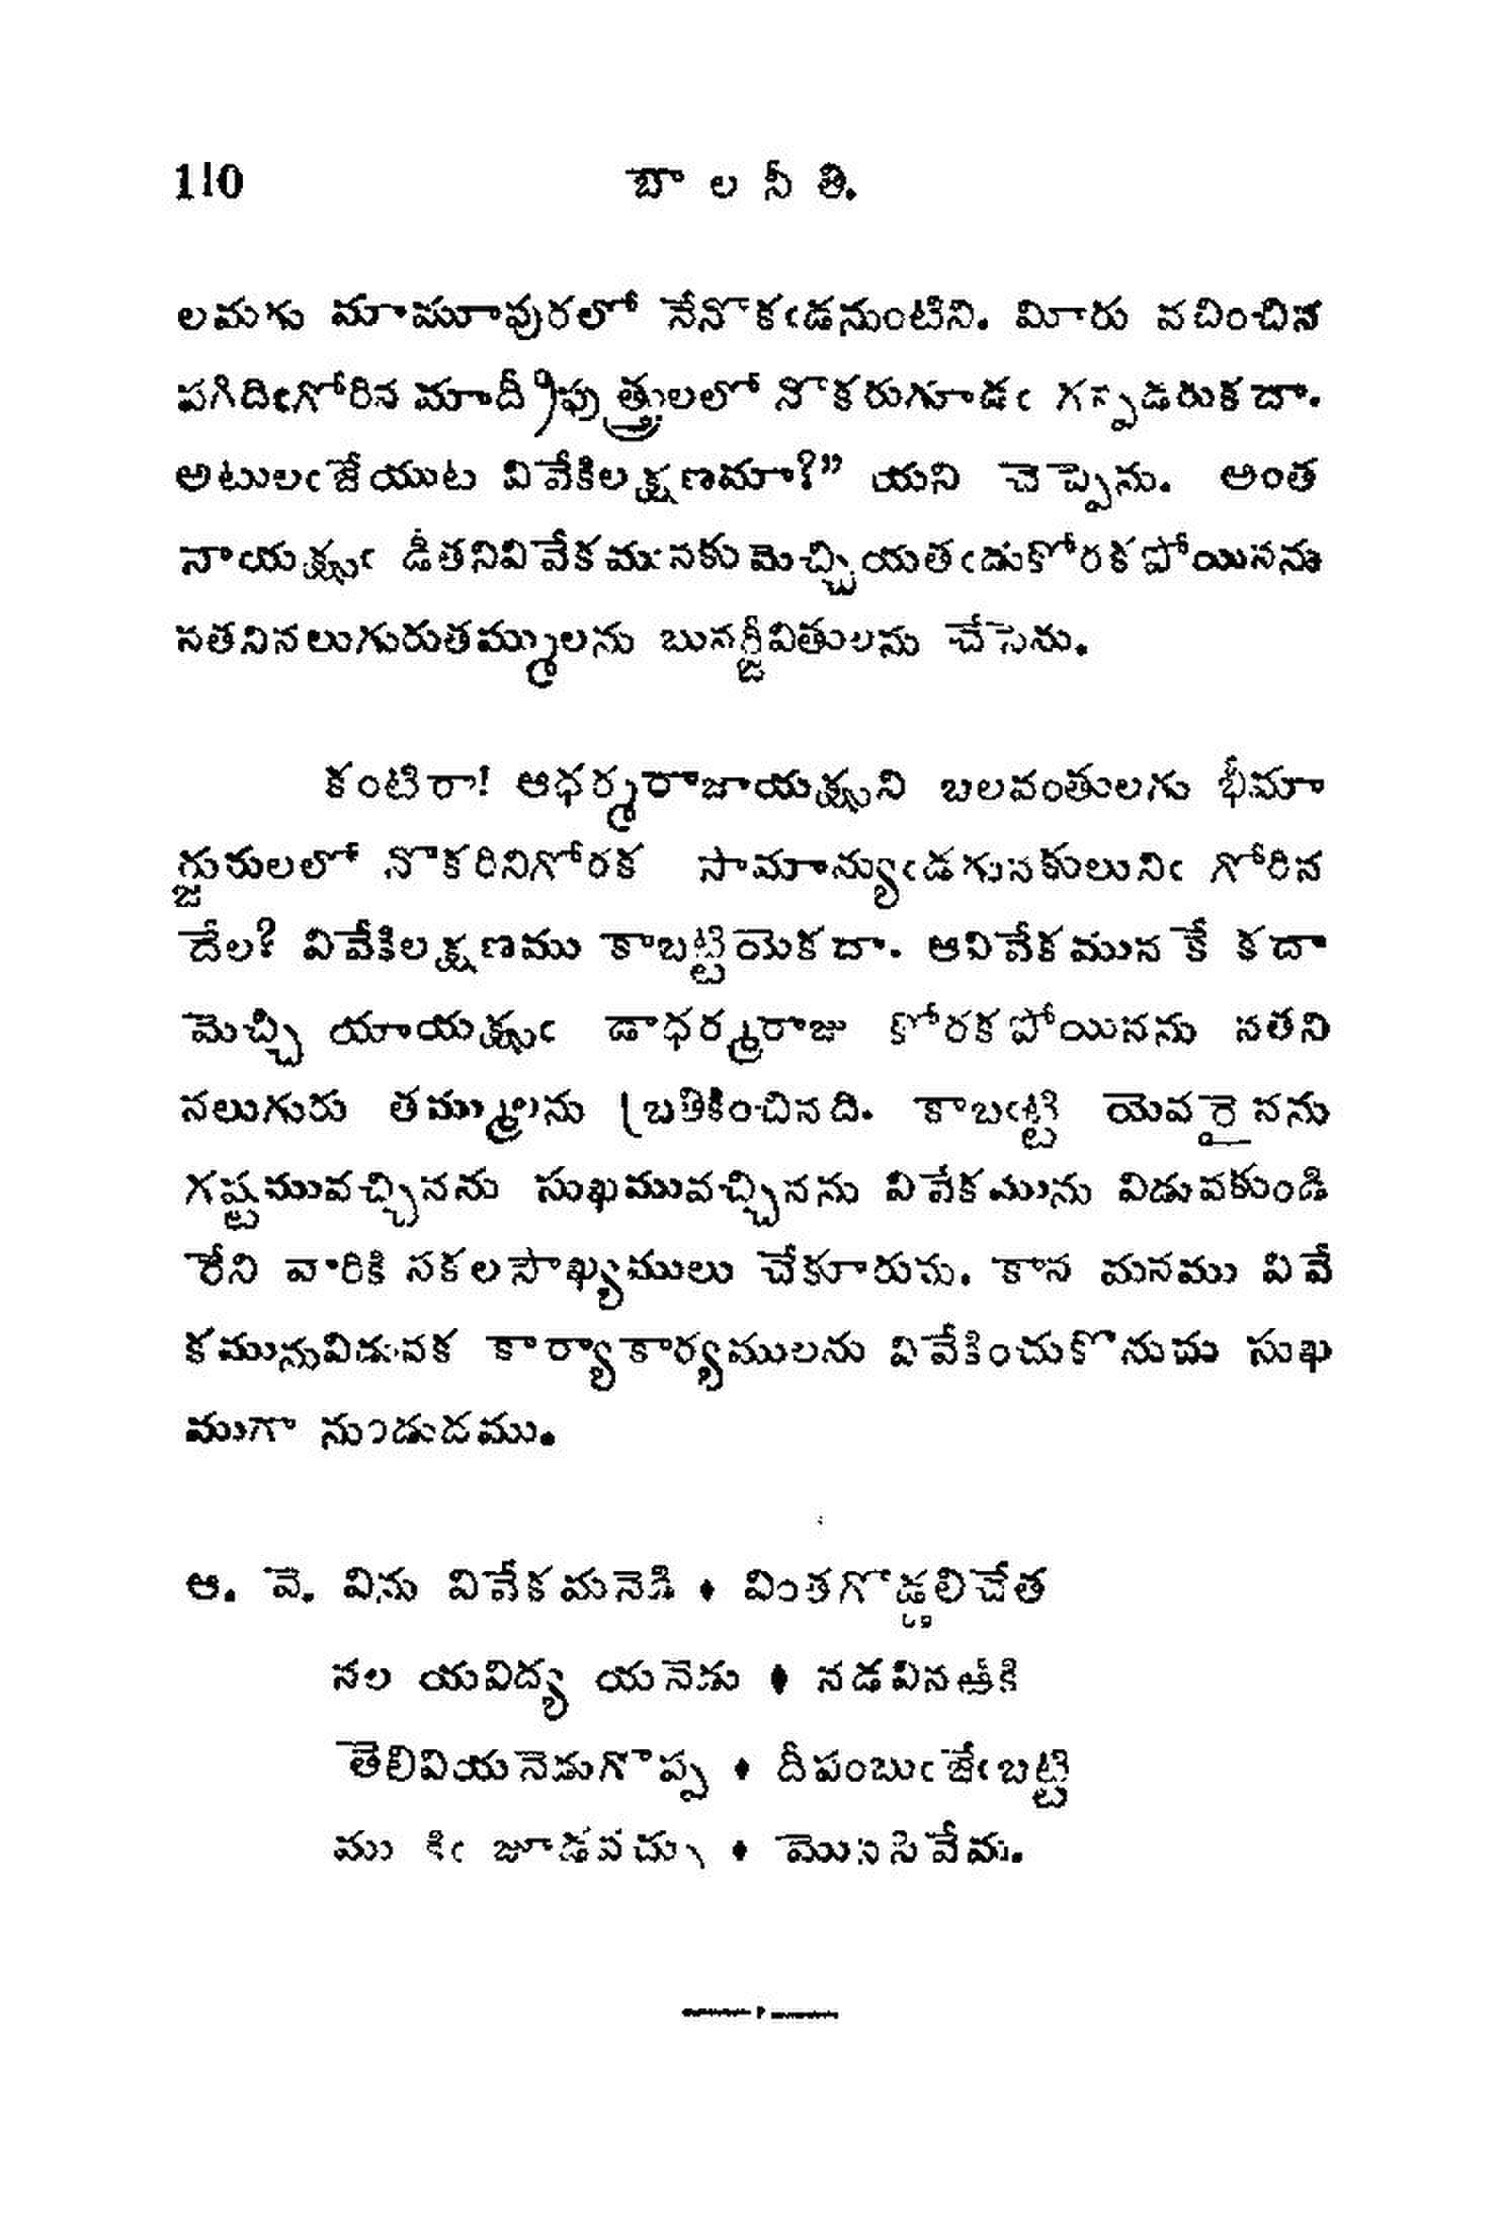లమగు మామూవురలో నేనొకఁడనుంటిని. మీరు వచించిన 
పగిదిఁగోరిన మాద్రీపుత్త్రులలో నొకరుగూడఁ గన్పడరుకదా. 
అటులఁజేయుట వివేకిలక్షణమా?" యని చెప్పెను. అంత 
నాయక్షుఁ డీతనివివేకమునకుమెచ్చి యతఁడుకోరకపోయినను 
నతనినలుగురు తమ్ములను బునర్జీవితులను చేసెను.

కంటిరా! ఆధర్మరాజాయక్షుని బలవంతులగు భీమా
ర్జునులలో నొకరినిగోరక సామాన్యుఁడగు నకులునిఁ గోరిన
దేల? వివేకిలక్షణము కాబట్టియెకదా. ఆవివేకమునకే కదా 
మెచ్చి యాయక్షుఁ డాధర్మరాజు కోరకపోయినను నతని 
నలుగురు తమ్ములను బ్రతికించినది. కాబఁట్టి యెవరైనను 
గష్టమువచ్చినను సుఖమువచ్చినను వివేకమును విడువకుండి
రేని వారికి సకలసౌఖ్యములు చేకూరును. కాన మనము వివే
కమునువిడువక కార్యాకార్యములను వివేకించుకొనుచు సుఖ
ముగా నుండుదము.

ఆ. వె. విను వివేకమనెడి ♦ వింతగొడ్డలిచేత 
 నల యవిద్య యనెడు ♦ నడవినఱికి
 తెలివియనెడుగొప్ప ♦ దీపంబుఁజేఁబట్టి
 ము కిఁ జూడవచ్చు ♦ మొనసివేమ.